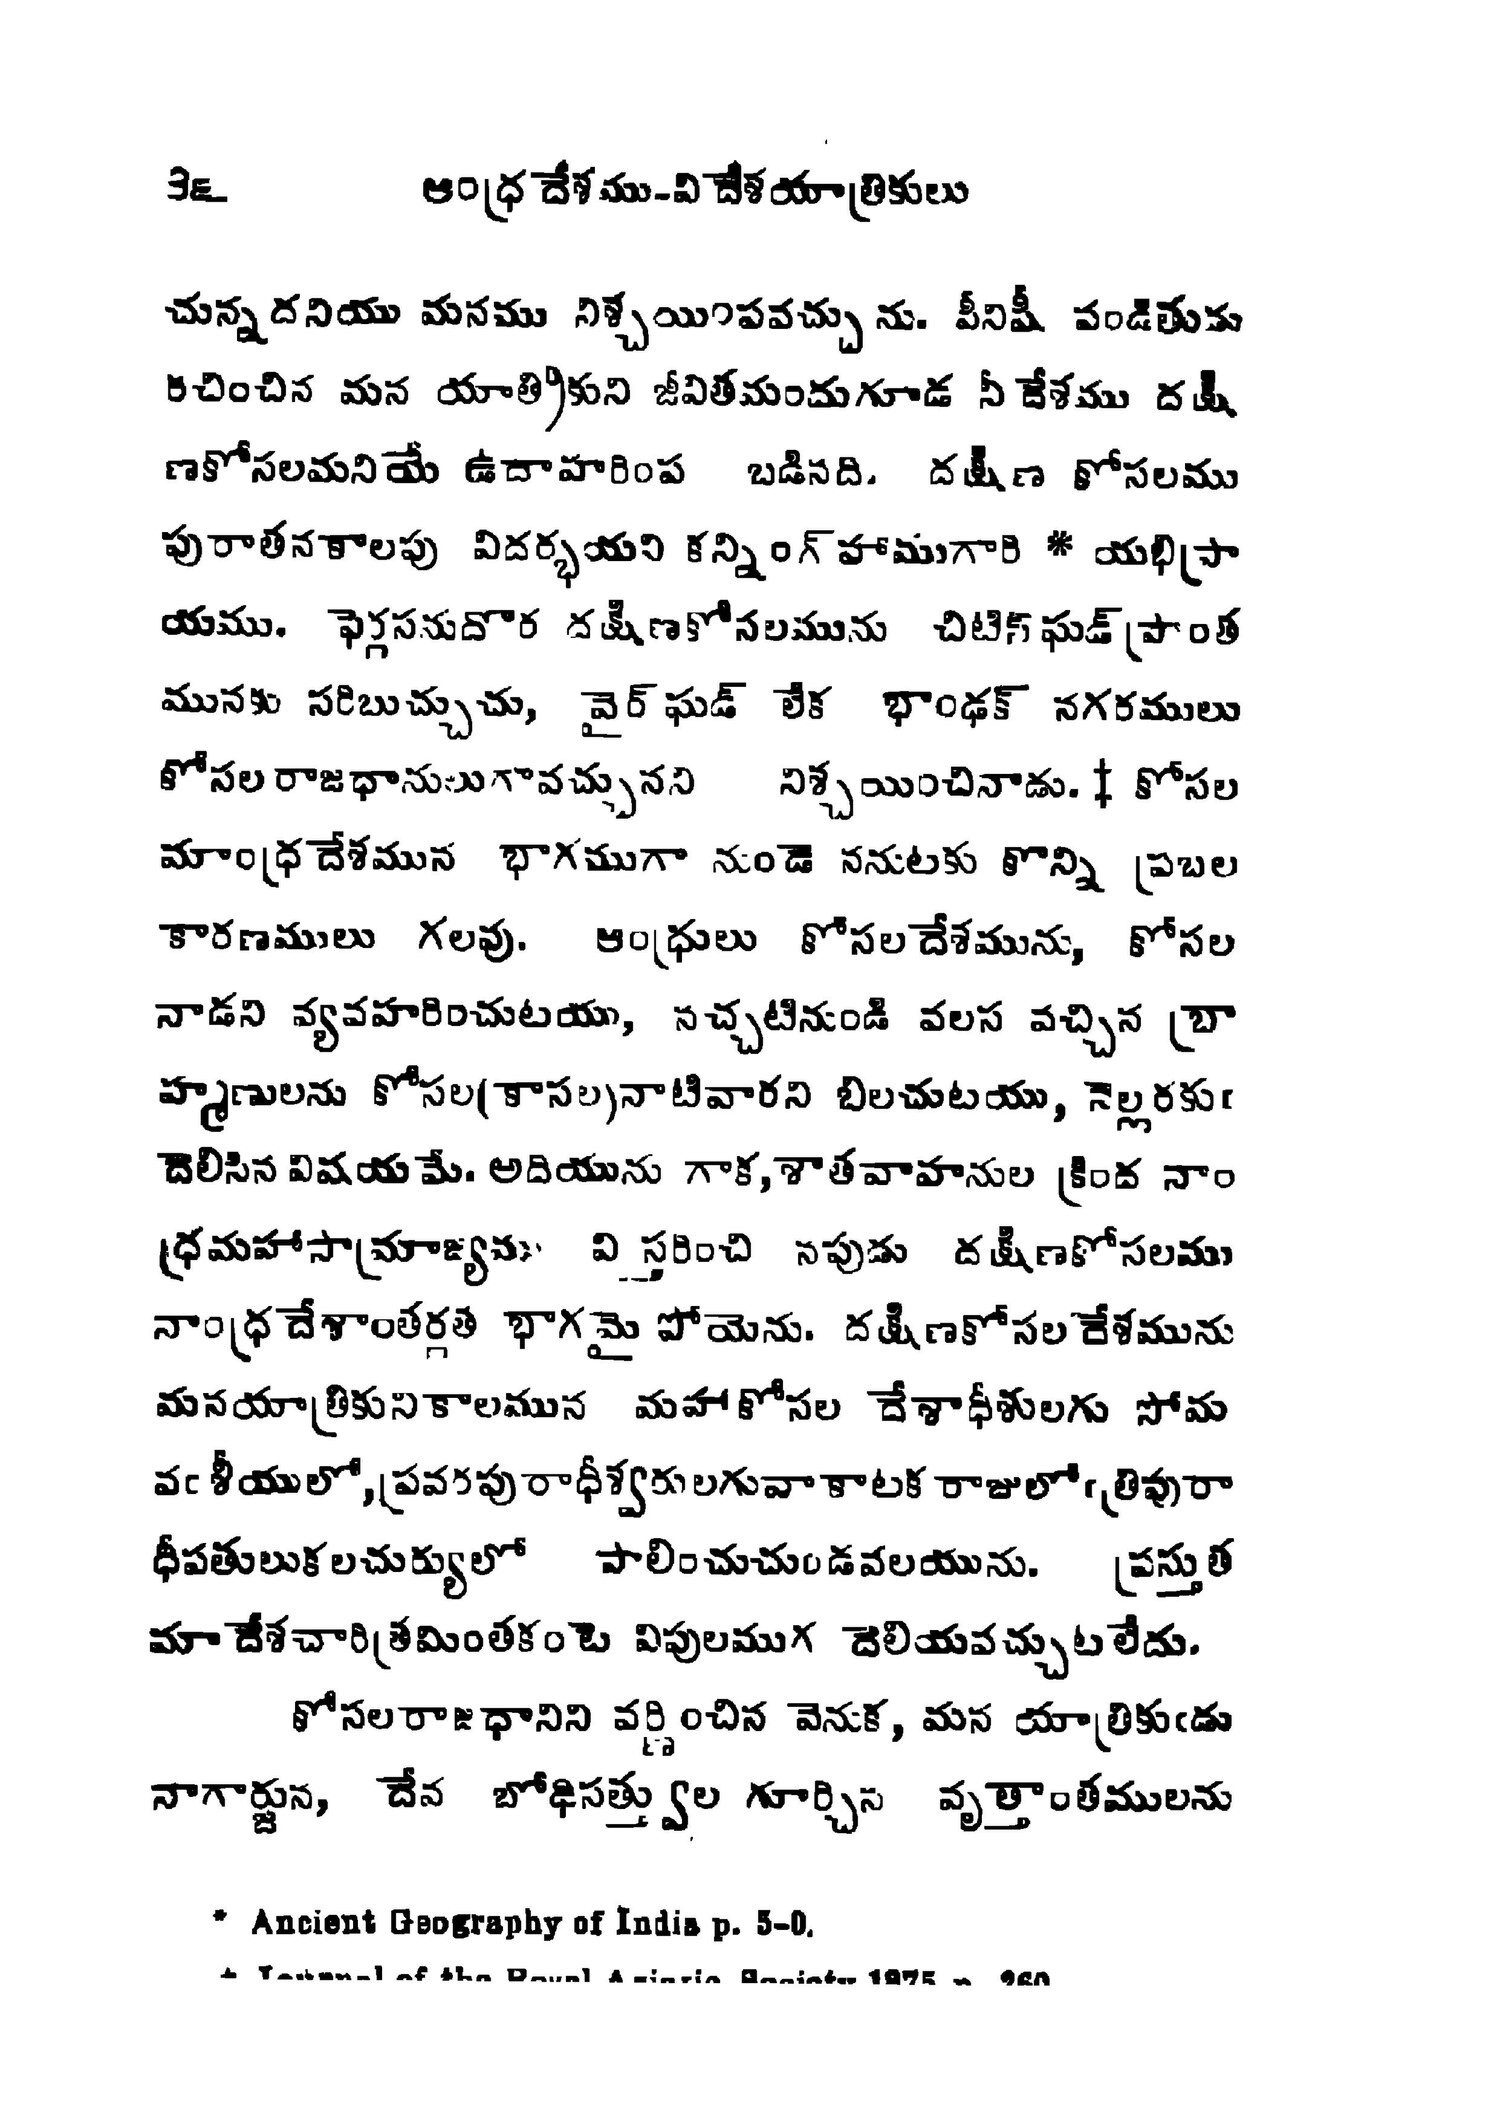చున్నదనియు మనము నిశ్చయింపవచ్చును. పీనిషీ పండితుడు రచించిన మన యాత్రికుని జీవతమందుగూడ నీ దేశము దక్షిణకోసలమనియే ఉదహహరింప బడినది. దక్షిణ కోసలము పురాతనకాలపు విదర్భయని కన్నింగ్‌హాముగారి యభిప్రాయము. ఫెర్గసనుదొర దక్షిణకోసలమును చిటిస్‌ఘడ్‌ ప్రాంతమునకు సరిబుచ్చుచు, వైర్ ఘడ్ లేక భాండక్ నగరములు కోసల రాజధానులుగావచ్చునని నిశ్చయించినాడు. ‡ కోసల మాధ్రదేశమున భాగముగా నుండె ననుటకు కొన్ని ప్రబల కారణములు గలవు. ఆంధ్రులు కోసలదేశమును, కోసలనాడని వ్యవహరించుటయు, నచ్చటినుండి వలస వచ్చిన బ్రాహ్మణులను కోసల (కాసల) నాటివారని బిలచుటయు, నెల్లరకు దెలిసిన విషయమే. అదియును గాక, శాతవాహనుల క్రింద నాంధ్రమహాసామ్రాజ్యము విస్తరించి నపుడు దక్షిణకోసలము నాంధ్రదేశాంతర్గత భాగమైపోయెను. దక్షిణకోసలదేశమును మనయాత్రికునికాలమున మహాకోసల దేశాధీశులగు సోమ వంశీయులో, ప్రవరపురాధీశ్వరులగు వాకాటక రాజులో, త్రిపురాధీపతులు కలచుర్యులో పాలించుచుండవలయును. ప్రస్తుత మాదేశచారిత్రమింతకంటె విపులముగ దెలియవచ్చుటలేదు.

కోసలరాజధానిని వర్ణించిన వెనుక, మన యాత్రికుడు నాగార్జున, దేవ బోధిసత్త్వుల గూర్చిన వృత్తాంతములను